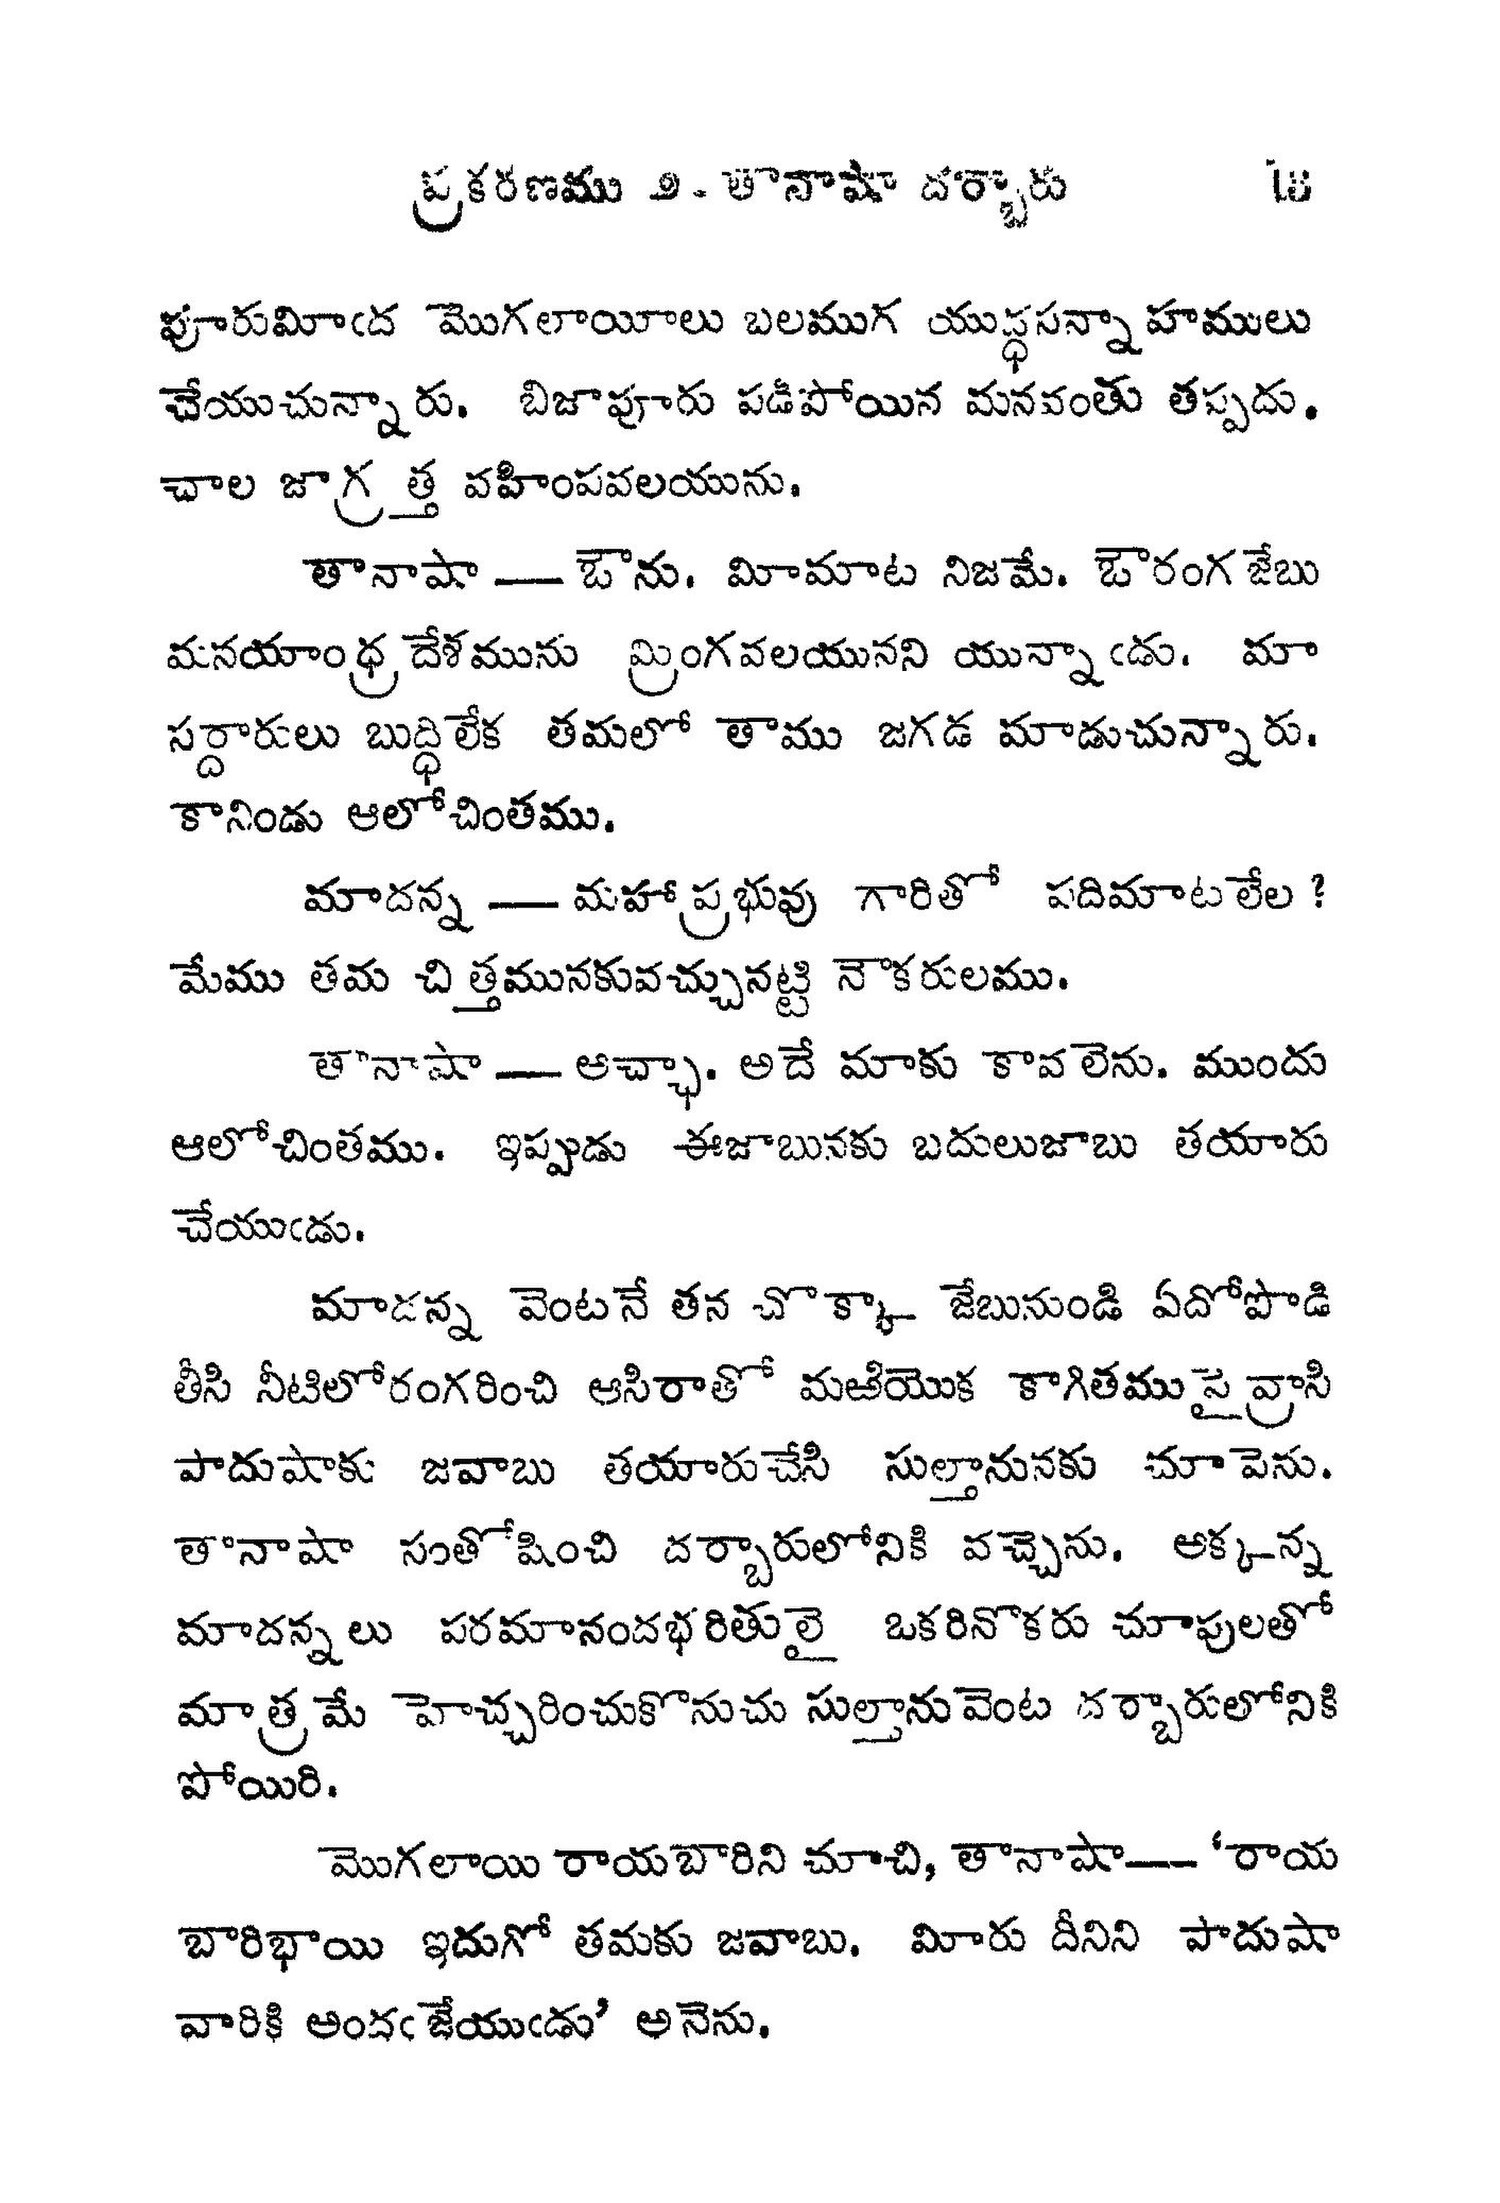వూరుమీఁద మొగలాయీలు బలముగ యుద్ధసన్నాహములు చేయుచున్నారు. బిజాపూరు పడిపోయిన మనవంతు తప్పదు. చాల జాగ్రత్త వహింపవలయును.

తానాషా ― ఔను. విూమాట నిజమే. ఔరంగజేబు మనయాంధ్రదేశమును మ్రింగవలయునని యున్నాఁడు. మా సర్దారులు బుద్ధిలేక తమలో తాము జగడ మాడుచున్నారు. కానిండు ఆలోచింతము.

మాదన్న ― మహాప్రభువు గారితో పదిమాటలేల ? మేము తమ చిత్తమునకువచ్చునట్టి నౌకరులము.

తానాషా ― అచ్ఛా. అదే మాకు కావలెను. ముందు ఆలోచింతము. ఇప్పుడు ఈజాబునకు బదులుజాబు తయారు చేయుఁడు.

మాదన్న వెంటనే తన చొక్కా జేబునుండి ఏదోపొడి తీసి నీటిలోరంగరించి ఆసిరాతో మఱియొక కాగితముపైవ్రాసి పాదుషాకు జవాబు తయారుచేసి సుల్తానునకు చూపెను. తానాషా సంతోషించి దర్బారులోనికి వచ్చెను. అక్కన్న మాదన్నలు పరమానందభరితులై ఒకరినొకరు చూపులతో మాత్రమే హెచ్చరించుకొనుచు సుల్తానువెంట దర్బారులోనికి పోయిరి.

మొగలాయి రాయబారిని చూచి, తానాషా― ‘రాయబారిభాయి ఇదుగో తమకు జవాబు. విూరు దీనిని పాదుషా వారికి అందఁజేయుఁడు’ అనెను.